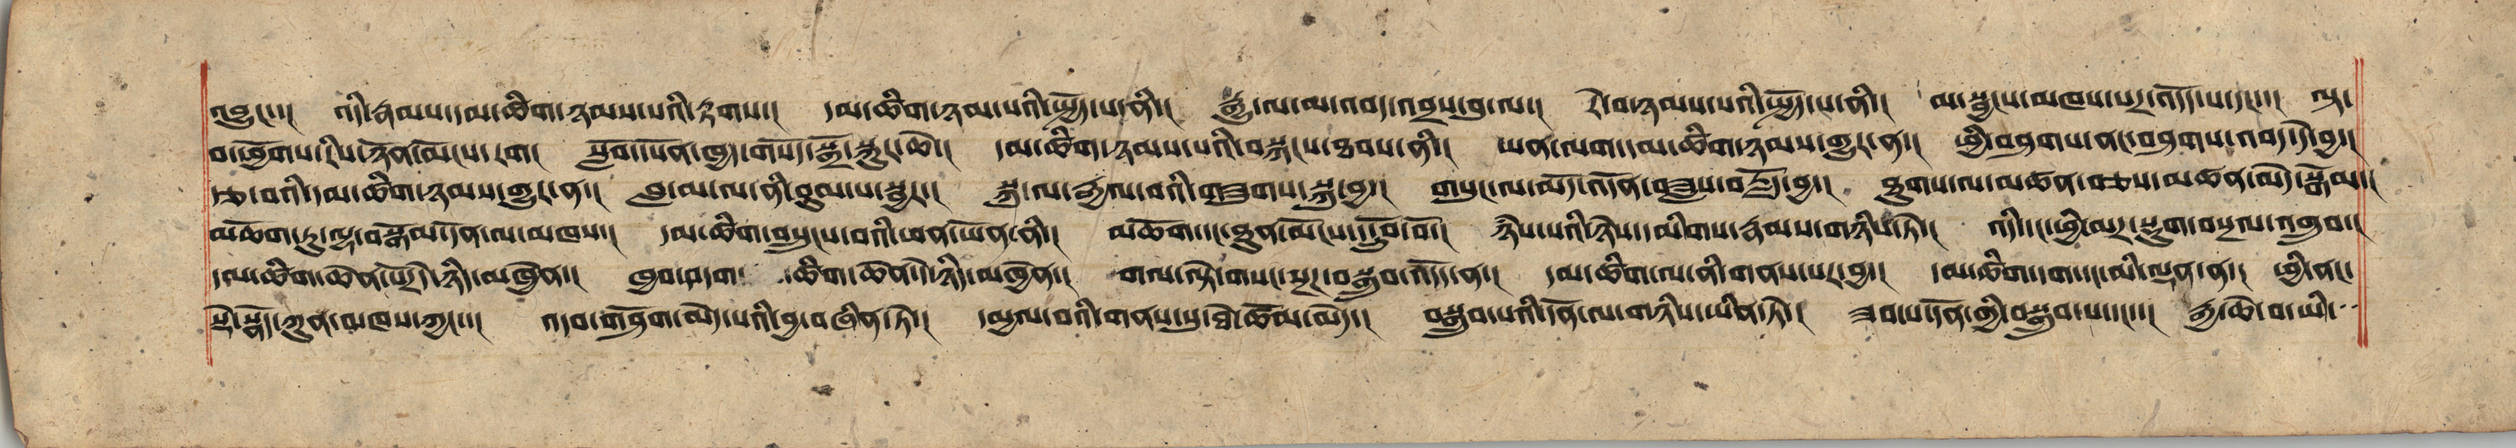འབྱུང་་། འདི་རྣམས་དམ་ཚིག་ཉམས་པའི་རྟགས་། དམ་ཚིག་ཉམས་པའི་སྤྱོད་པ་ནི་། རྒྱུ་ལ་མ་འབད་འབྲས་བུ་ལ་། རེ་བ་ཉམས་པའི་སྤྱོད་པ་ནི་། མ་སྦྱངས་མཁས་་པར་འདོད་པ་དང་་། ལྟ་
བ་ཕྱོགས་རིས་ཉོན་མོངས་རག། སློབ་དཔོན་ཁྱད་གསོད་སྒྲོ་སྐུར་ཆེ་། དམ་ཚིག་ཉམས་པའི་བསྐངས་ཐབས་ནི་། ཡན་ལག་དམ་ཚིག་ཉམས་གྱུར་ན་། ཕྱི་བཤགས་ནང་བཤགས་འབད་དེ་བྱ་།
རྩ་བའི་དམ་ཚིག་ཉམས་གྱུར་ན་། བླ་མ་ལ་ནི་བུམ་པ་སྦྱར་། སྐུ་ལ་རྒྱལ་བའི་གཟུགས་སྐུ་བྱ་། གསུང་ལ་མོད་འདོན་བཟླས་བརྗོད་བྱ་། ཐུགས་ལ་མཚན་བཅས་མཚན་མེད་སྒོམ་།
མཆོག་ཏུ་ལྷ་བསྒོམ་དོན་ལ་མཁས་། དམ་ཚིག་བསྲུངས་བའི་ཕན་ཡོན་ནི་། མཆོག་དང་ཐུན་མོངས་དངྲོུབ་བོ་། ཉཾས་པའི་ཉེས་དམིགས་རྣམས་གཉིས་ཏེ་། འདི་དང་ཕྱི་མར་སྡུག་བསྔལ་འགྲུབ་།
དམ་ཚིག་ཆེན་པོར་དེ་ཉིད་མཁྱེན་། ཁྱབ་བདག་ ཚིག་ཆེན་དེ་ཉིད་མཁྱེན་། གལ་ཏེ་གསང་སྔཌ་བསྒྲུབ་འདོད་ན་། དམ་ཚིག་ལ་ནི་གནས་པར་བྱ་། དམ་ཚིག་དག་དང་མི་ལྡན་ན་། ཕྱི་ནང་
སྡེ་སྣོད་ཀུན་མཁས་ཀྱང་་། འདབ་གཤོག་མེད་པའི་བྱ་བཞིན་ཏེ་། དམྱལ་བའི་གནས་སུ་ཐེ་ཚོམ་མེད་། བསྒྲུབ་པའི་དོན་ལ་གཉིས་ཡིན་ཏེ་། ཟབ་པ་དོན་གྱི་བསྒྲུབ་པ་དང་་། རྒྱ་ཆེ་བ་ཡི་